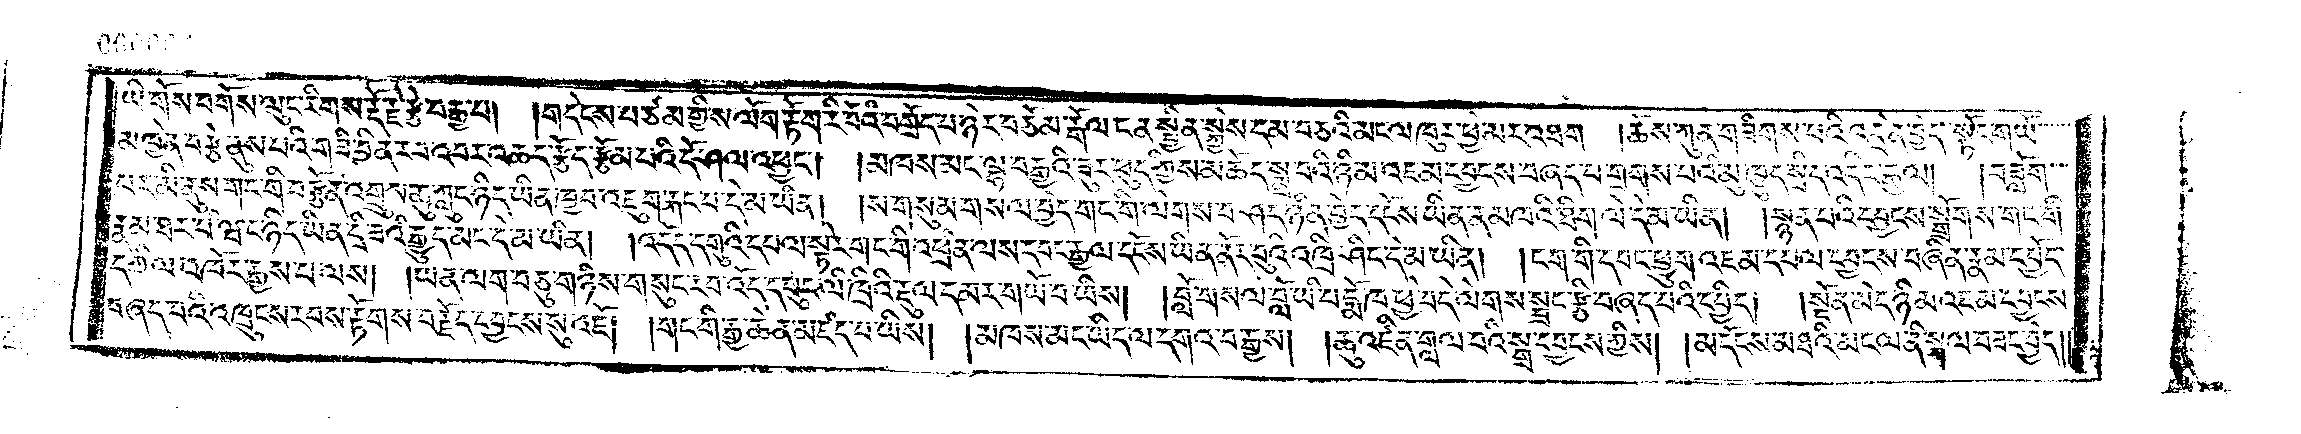ཡི་གོས་བགོས་ལུང་རིགས་རྡོ་རྗེ་རྩེ་བརྒྱ་པ། །གདེངས་པ་ཙམ་གྱིས་ལོག་རྟོག་རི་བོའི་བགྲོད་པ་ཉེར་བཅོམ་རྒོལ་ངན་སྦྱིན་སྐྱེས་དམ་བཅའི་མངལ་ཁུར་ཕྱེ་མར་འཐག །ཆོས་ཀུན་གཟིགས་པའི་འདྲེན་བྱེད་སྟོང་གཡོ་
མཁྱེན་བརྩེ་ནུས་པའི་གཟི་བྱིན་རབ་འབར་འཆད་རྩོད་རྩོམ་པའི་དོ་ཤལ་འཕྱང་། །མཁས་མང་ལྷ་བརྒྱའི་ཟུར་ཕུད་ཀྱིས་མཆོད་སྨྲ་བའི་ཉི་མ་འཇམ་དབྱངས་བཞད་པ་གྲགས་པའི་མུ་ཁྱུད་སྲིད་འདིར་རྒྱལ། །བཟློག་
པར་མི་ནུས་གང་གི་བརྩོན་འགྲུས་ཆུ་ཀླུང་ཉིད་ཡིན་ཁྱབ་འཇུག་རྐང་པ་དེ་མ་ཡིན། །ས་གསུམ་གསལ་བྱེད་གང་གི་ལེགས་བཤད་ཉིན་བྱེད་དངོས་ཡིན་ན་མཁའི་ཐིག་ལེ་དེ་མ་ཡིན། །སྙན་པའི་དབྱངས་སྒྲོགས་གང་གི་
རྣམ་ཐར་པི་ཝང་ཉིད་ཡིན་དྲི་ཟའི་རྒྱུད་མང་དེ་མ་ཡིན། །འདོད་དགུའི་དཔལ་སྟེར་གང་གི་འཕྲིན་ལས་དབང་རྒྱལ་དངོས་ཡིན་ནོར་བུའི་འཁྲི་ཤིང་དེ་མ་ཡིན། །ངག་གི་དབང་དུ་ཕྱུག་འཇམ་དཔལ་དབྱངས་བཞིན་རྣམ་དཔྱོད་
དཀྱིལ་འཁོར་རྒྱས་པ་ལས། །ཡན་ལག་བཅུ་གཉིས་གསུང་རབ་འོད་དཔུང་ལི་ཁྲིའི་རྡུལ་དམར་གཡོ་བ་ཡིས། །བློ་གསལ་བློ་ཡི་པདམོ་ཁ་ཕྱེ་བདེ་ལེགས་སྦྲང་རྩི་བཞད་པའི་དཔྱིད། །སྔོན་མེད་ཉི་མ་འཇམ་དབྱངས་
བཞད་པའི་འཁྲུངས་རབས་རྟོགས་བརྗོད་དབྱངས་སུ་འཇོ། །གང་གི་རྒྱ་ཆེན་མཛད་པ་ཡིས། །མཁས་མང་ཡིད་ལ་དགའ་བ་རྒྱས། །ཆུ་འཛིན་གླལ་བའི་སྒྲ་དབྱངས་ཀྱིས། །མདོངས་མཐའི་མངལ་ནི་སྐལ་བཟང་བྱེད།།